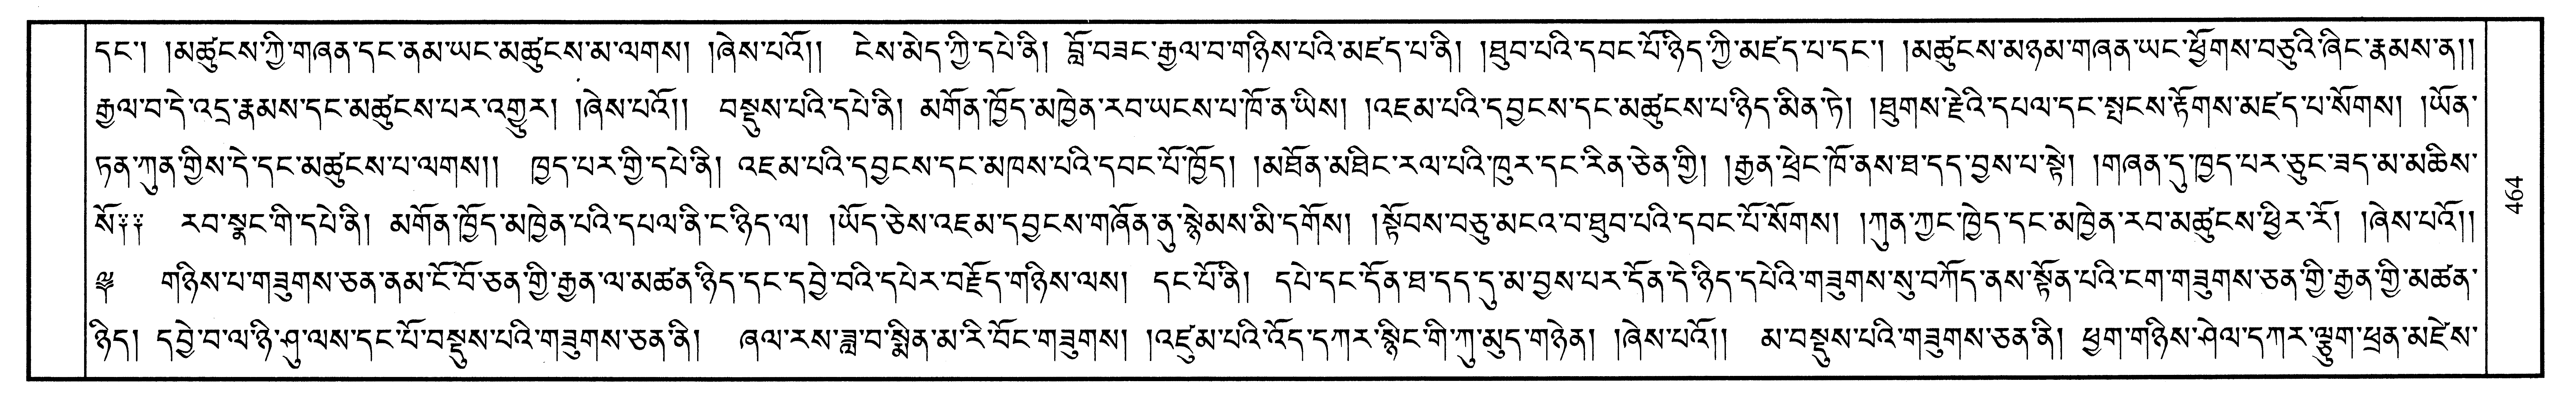དང་། །མཚུངས་ཀྱི་གཞན་དང་ནམ་ཡང་མཚུངས་མ་ལགས། །ཞེས་པའོ།། ངེས་མེད་ཀྱི་དཔེ་ནི། བློ་བཟང་རྒྱལ་བ་གཉིས་པའི་མཛད་པ་ནི། །ཐུབ་པའི་དབང་པོ་ཉིད་ཀྱི་མཛད་པ་དང་། །མཚུངས་མཉམ་གཞན་ཡང་ཕྱོགས་བཅུའི་ཞིང་རྣམས་ན། །
རྒྱལ་བ་དེ་འདྲ་རྣམས་དང་མཚུངས་པར་འགྱུར། །ཞེས་པའོ། །བསྡུས་པའི་དཔེ་ནི། མགོན་ཁྱོད་མཁྱེན་རབ་ཡངས་པ་ཁོ་ན་ཡིས། །འཇམ་པའི་དབྱངས་དང་མཚུངས་པ་ཉིད་མིན་ཏེ། །ཐུགས་རྗེའི་དཔལ་དང་སྤངས་རྟོགས་མཛད་པ་སོགས། །ཡོན་
ཏན་ཀུན་གྱིས་དེ་དང་མཚུངས་པ་ལགས། །ཁྱད་པར་གྱི་དཔེ་ནི། འཇམ་པའི་དབྱངས་དང་མཁས་པའི་དབང་པོ་ཁྱོད། །མཐོན་མཐིང་རལ་པའི་ཁུར་དང་རིན་ཅེན་གྱི། །རྒྱན་ཕྲེང་ཁོ་ནས་ཐ་དད་བྱས་པ་སྟེ། །གཞན་དུ་ཁྱད་པར་ཅུང་ཟད་མ་མཆིས་
སོ༑༑ རབ་སྣང་གི་དཔེ་ནི། མགོན་ཁྱོད་མཁྱེན་པའི་དཔལ་ནི་ང་ཉིད་ལ། །ཡོད་ཅེས་འཇམ་དབྱངས་གཞོན་ནུ་སྙེམས་མི་དགོས། །སྟོབས་བཅུ་མངའ་བ་ཐུབ་པའི་དབང་པོ་སོགས། །ཀུན་ཀྱང་ཁྱེད་དང་མཁྱེན་རབ་མཚུངས་ཕྱིར་རོ། །ཞེས་པའོ།།
༈ གཉིས་པ་གཟུགས་ཅན་ནམ་ངོ་བོ་ཅན་གྱི་རྒྱན་ལ་མཚན་ཉིད་དང་དབྱེ་བའི་དཔེར་བརྗོད་གཉིས་ལས། དང་པོ་ནི། དཔེ་དང་དོན་ཐ་དད་དུ་མ་བྱས་པར་དོན་དེ་ཉིད་དཔེའི་གཟུགས་སུ་བཀོད་ནས་སྟོན་པའི་ངག་གཟུགས་ཅན་གྱི་རྒྱན་གྱི་མཚན་
ཉིད། དབྱེ་བ་ལ་ཉི་ཤུ་ལས་དང་པོ་བསྡུས་པའི་གཟུགས་ཅན་ནི། ཞལ་རས་ཟླ་བ་སྨིན་མ་རི་བོང་གཟུགས། །འཛུམ་པའི་འོད་དཀར་སྙིང་གི་ཀུ་མུད་གཉེན། །ཞེས་པའོ། །མ་བསྡུས་པའི་གཟུགས་ཅན་ནི། ཕྱག་གཉིས་ཤེལ་དཀར་ལྕུག་ཕྲན་མཛེས་